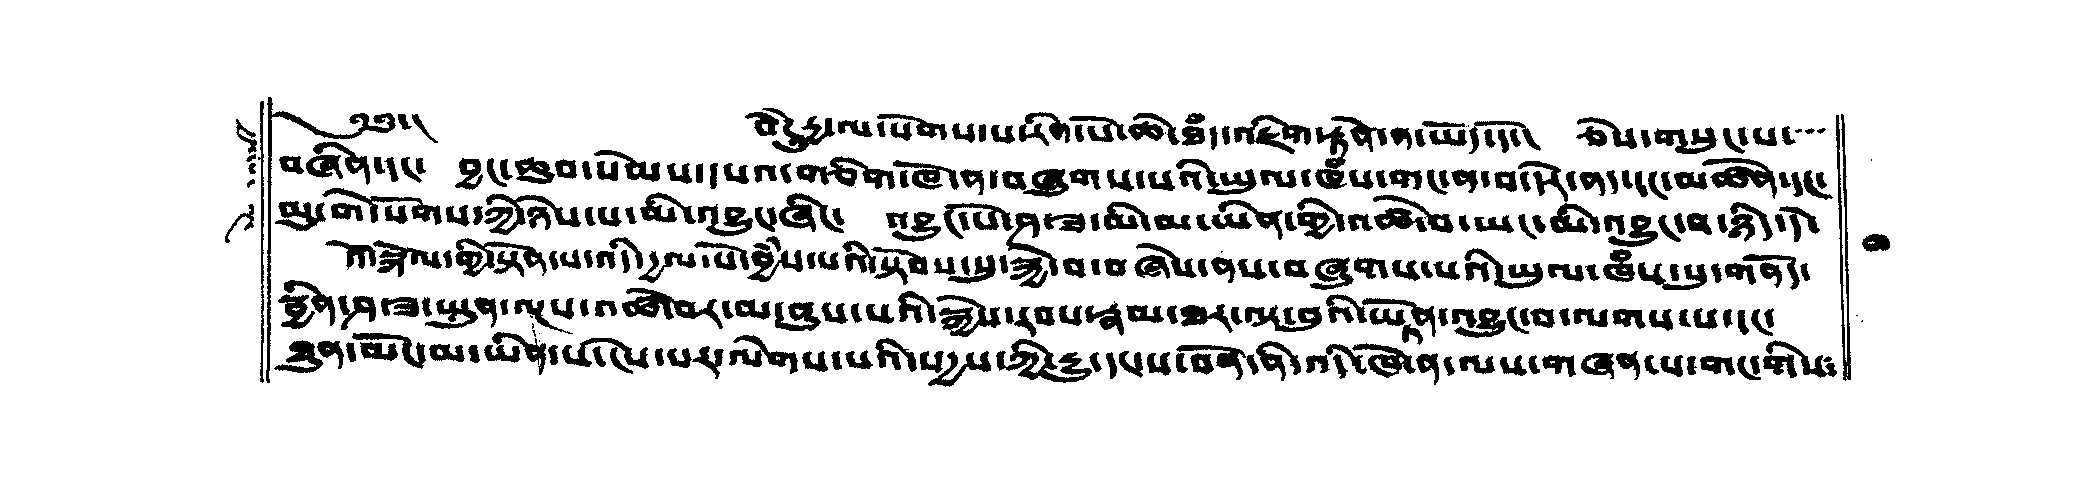བཻཌཱུརྻ་ལ་སོགས་པ་རིན་པོ་ཆེ་ཐམས་ཅད་འཇིག་རྟེན་ན་ཡོད་དོ། ཅེས་གསུང་པ་
བཞིན་དང་། བྱང་ཆུབ་སེམས་དཔའ་གཅིག་ཁོ་ན་བཞུགས་པའིཡུལ་ཁམས་གང་ན་བ་དེར་ནད་ངང་མཚོན་དང་
མུ་གེ་སོགས་ཀྱི་ཉེས་པ་མི་འབྱུང་ཞིང་། འབྱུང་པོ་ཤ་ཟ་མི་མ་ཡིན་གྱི་འཚེ་བ་ཡང་མི་འབྱུང་བ་ཉིད་དེ། 
འོ་སྐོལ་གྱི་སྟོན་པ་འདི་རྒྱལ་པོ་བྱམས་པའི་སྟོབས་སུ་སྐྱེ་བ་བཞེས་ནས་བཞུགས་པའི་ཡུལ་ཁམས་སུ་གནོད་
སྦྱིན་ཤ་ཟ་སྤུན་ལྔས་འཚོ་བར་མ་ནུས་པའི་སྐྱེས་རབས་རྣམ་ཐར་ལྟ་བུའི་ཡོན་ཏན་འབྱུང་བ་ལགས་པ་དང་། 
ཐུན་མོང་མ་ཡིན་པ་ངེས་པར་ལེགས་པའི་སངས་རྒྱས་ཀྱི་རྒྱུ་དང་ས་བོན་ནི་འདི་ཁོ་ན་ལས་གཞན་པ་གང་གིས་